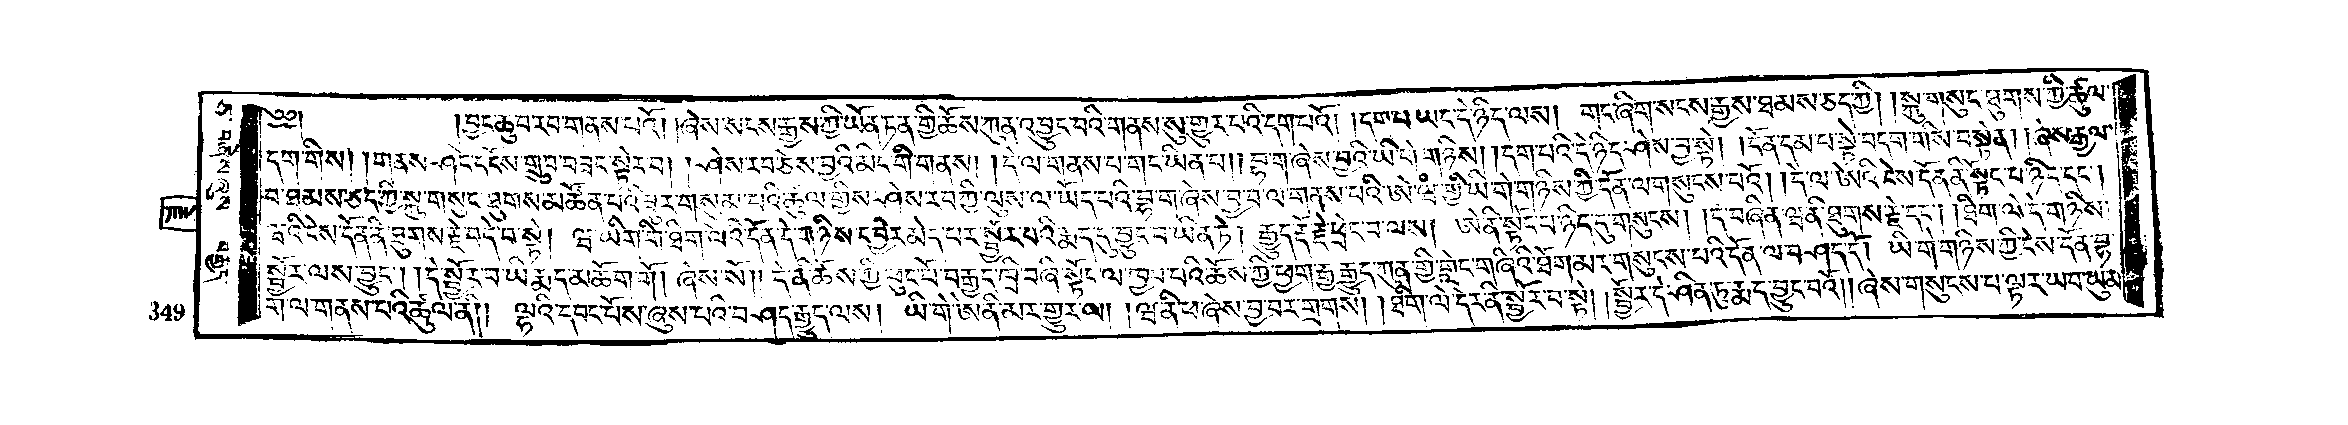༄༅། །བྱང་ཆུབ་རབ་གནས་པའོ། །ཞས་སངས་རྒྱས་ཀྱི་ཡོན་ཏན་གྱི་ཆོས་ཀུན་འབྱུང་བའི་གནས་སུ་གྱུར་བའི་དག་པའོ། །དག་པ་ཡང་དེ་ཉིད་ལས། གང་ཞིག་སངས་རྒྱས་ཐམས་ཅད་ཀྱི། །སྐུ་གསུང་ཐུགས་ཀྱི་ཚུལ་
དག་གིས། །གནས་ཤིང་དངོས་གྲུབ་བཟང་སྟེར་བ། །ཤེས་རབ་ཅེས་བྱའི་མིང་གི་གནས། །དེ་ལ་གནས་པ་གང་ཡིན་པ། །བྷ་ག་ཞེས་བྱའི་ཡི་གེ་གཉིས། །དག་པའི་དེ་ཉིད་ཤེས་བྱ་སྟེ། །དོན་དམ་པ་སྟེ་བདག་གིས་བསྟེན། །ཞེས་རྒྱལ་
བ་ཐམས་ཅད་ཀྱི་སྐུ་གསུང་ཐུགས་མཚོན་པའི་ཟུར་གསུམ་པའི་ཚུལ་གྱིས་ཤེས་རབ་ཀྱི་ལུས་ལ་ཡོད་པའི་བྷ་ག་ཞེས་བྱ་བ་ལ་གནས་པའི་ཨེ་ཝཾ་གྱི་ཡི་གེ་གཉིས་ཀྱི་དོན་ལ་གསུངས་པའོ། །དེ་ལ་ཨེའི་ངེས་དོན་ནི་སྟོང་པ་ཉིད་དང་།
ཝའི་ངེས་དོན་ནི་ཐུགས་རྗེ་བདེ་བ་སྟེ། ཝ་ཡིག་གི་ཐིག་ལེའི་དོན་དེ་གཉིས་དབྱེར་མེད་པར་སྦྱོར་བའི་རྨད་དུ་བྱུང་བ་ཡིན་ཏེ། རྒྱུད་རྡོ་རྗེ་ཕྲེང་བ་ལས། ཨེ་ནི་སྟོང་པ་ཉིད་དུ་གསུངས། །དེ་བཞིན་ཝ་ནི་ཐུགས་རྗེ་དང་། །ཐིག་ལེ་དེ་གཉིས་
སྦྱོར་ལས་བྱུང་། །དེ་སྦྱོར་བ་ཡི་རྨད་མཆོག་གོ །ཞེས་སོ། །དེ་ནི་ཆོས་ཀྱི་ཕུང་པོ་བརྒྱད་ཁྲི་བཞི་སྟོང་ལ་ཁྱབ་པའི་ཆོས་ཀྱི་ཕྱག་རྒྱ་རྒྱུད་ཀུན་གྱི་གླེང་གཞིའི་ཐོག་མར་གསུངས་པའི་དོན་ལ་བཤད་དོ། ཡི་གེ་གཉིས་ཀྱི་ངེས་དོན་བྷ་
ག་ལ་གནས་པའི་ཚུལ་ནི། །ལྷའི་དབང་པོས་ཞུས་པའི་བཤད་རྒྱུད་ལས། ཡི་གེ་ཨེ་ནི་མར་གྱུར་ལ། །ཝ་ནི་ཕ་ཞེས་བྱ་བར་གྲགས། །ཐིག་ལེ་དེར་ནི་སྦྱོར་བ་སྟེ། །སྦྱོར་དེ་ཤིན་ཏུ་རྨད་བྱུང་བའོ། །ཞེས་གསུངས་པ་ལྟར་ཡབ་ཡུམ་